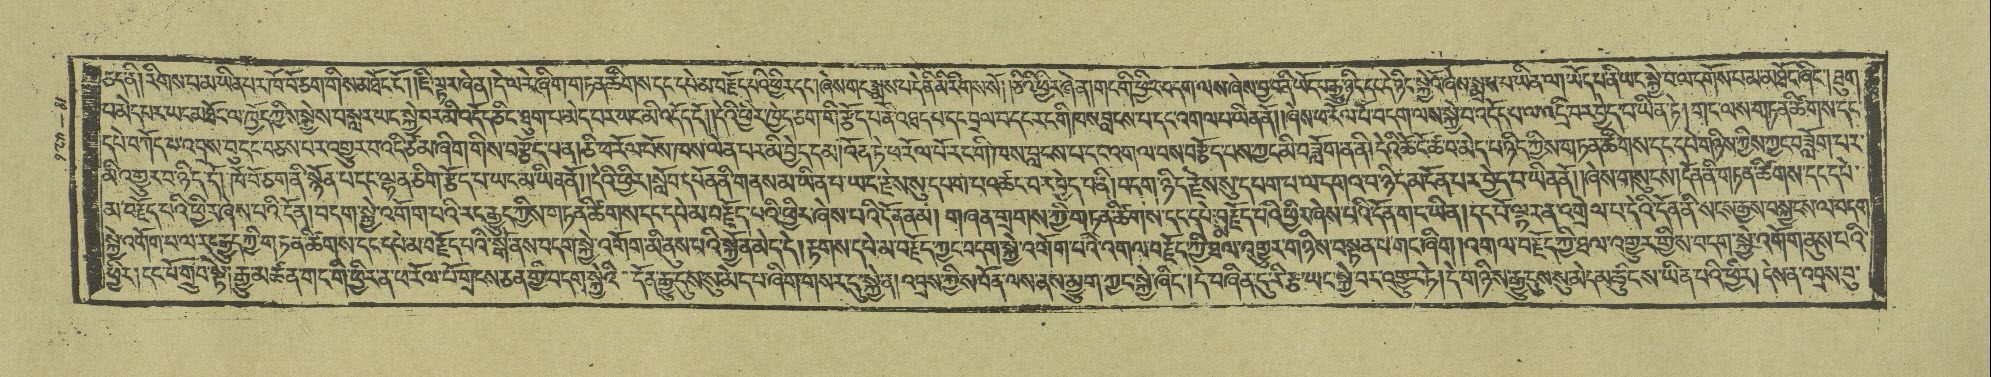ཅད་ནི། རིགས་པ་མ་ཡིན་པར་ཁོ་བོ་ཅག་གིས་མཐོང་ངོ། །ཇི་ལྟར་ཞེ་ན། དེ་ལ་རེ་ཞིག་གཏན་ཚིགས་དང་དཔེ་མ་བརྗོད་པའི་ཕྱིར་དང་། ཞེས་གང་སྨྲས་བདེ་ནི་མི་རིགས་སོ། །ཅིའི་ཕྱིར་ཞེ་ན། གང་གི་ཕྱིར་བདག་ལས་ཞེས་བྱ་བ་ནི་ཡོད་པ་རྒྱུ་ཉིད་དང་དེ་ཉིད་སྐྱེའོ་ཞེས་སྨྲས་པ་ཡིན་ལ། ཡོད་པ་ནི་ཡང་སྐྱེ་བ་ལ་དགོས་པ་མ་མཐོང་ཞིང་། ཐུག་
པ་མེད་པར་ཡང་མཐོང་ལ་ཁྱོད་ཀྱིས་སྐྱེས་པ་སླར་ཡང་སྐྱེ་བར་མི་འདོད་ཅིང་ཐུག་པ་མེད་པར་ཡང་མི་འདོད་དོ། །དེའི་ཕྱིར་ཁྱེད་ཅག་གི་རྩོད་པ་ནི་འཐད་པ་དང་བྲལ་བ་དང་རང་གི་ཁས་བླངས་པ་དང་འགལ་བ་ཡིན་ནོ། །ཞེས་ཕ་རོལ་པོ་བདག་ལས་སྐྱེ་བ་འདོད་པ་ལ་འདྲི་བར་བྱེད་པ་ཡིན་ཏེ། གང་ལས་གཏན་ཚིགས་དང་
དཔེ་བཀོད་པ་འབྲས་བུ་དང་བཅས་པར་འགྱུར་བ་འདི་ཙམ་ཞིག་གིས་བརྩོད་པ་ན། ཅི་ཕ་རོལ་པོས་ཁས་ལེན་པར་མི་བྱེད་དམ། འོན་ཏེ་ཕ་རོལ་པོ་རང་གི་ཁས་བླངས་པ་དང་འགལ་བས་བརྩོད་པས་ཀྱང་མི་བཟློག་ན་ནི། དེའི་ཚེ་ངོ་ཚ་བ་མེད་པ་ཉིད་ཀྱིས་གཏན་ཚིགས་དང་དཔེ་གཉིས་ཀྱིས་ཀྱང་བཟློག་པར་
མི་འགྱུར་བ་ཉིད་དོ། །ཁོ་བོ་ཅག་ནི་སྙོན་པ་དང་ལྷན་ཅིག་རྩོད་པ་ཡང་མ་ཡིན་ནོ། །དེའི་ཕྱིར། སློབ་དཔོན་ནི་གནས་མ་ཡིན་པ་ཡང་རྗེས་སུ་དཔག་པ་འཚང་བར་བྱེད་པ་ནི། བདག་ཉིད་རྗེས་སུ་དཔག་པ་ལ་དགའ་བ་ཉིད་མངོན་པར་བྱེད་པ་ཡིན་ནོ། །ཞེས་གསུངས། དོན་ནི་གཏན་ཚིགས་དང་དཔེ་
མ་བརྗོད་པའི་ཕྱིར་ཞེས་པའི་དོན། བདག་སྐྱེ་འགོག་པའི་རང་རྒྱུད་ཀྱིས་གཏན་ཚིགས་དང་དཔེ་མ་བརྗོད་པའི་ཕྱིར་ཞེས་པའི་དོན་ནམ། གཞན་གྲགས་ཀྱི་གཏན་ཚིགས་དང་དཔེ་མ་བརྗོད་པའི་ཕྱིར་ཞེས་པའི་དོན་གང་ཡིན། དང་པོ་ལྟར་ན་འགྲེལ་པ་དེའི་དོན་ནི་སངས་རྒྱས་བསྐྱངས་ལ་བདག་
སྐྱེ་འགོག་པ་ལ་རང་རྒྱུད་ཀྱི་གཏན་ཚིགས་དང་དཔེ་མ་བརྗོད་པའི་སྒོ་ནས་བདག་སྐྱེ་འགོག་མི་ནུས་པའི་སྐྱོན་མེད་དེ། རྟགས་དཔེ་མ་བརྗོད་ཀྱང་བདག་སྐྱེ་འགོག་པའི་འགལ་བརྗོད་ཀྱི་ཐལ་འགྱུར་གཉིས་བསྟན་པ་གང་ཞིག །འགལ་བརྗོད་ཀྱི་ཐལ་འགྱུར་གྱིས་བདག་སྐྱེ་འགོག་ནུས་པའི་
ཕྱིར། དང་པོ་གྲུབ་སྟེ། རྒྱུ་མཚན་གང་གི་ཕྱིར་ན་ཕ་རོལ་པོ་གྲངས་ཅན་གྱི་བདག་སྐྱེའི་དོན་རྒྱུ་དུས་སུ་མེད་པ་ཞིག་གསར་དུ་སྐྱེ་ན། འབྲས་ཀྱི་ས་བོན་ལས་ནས་མྱུག་ཀྱང་སྐྱེ་ཞིང་། དེ་བཞིན་དུ་རི་རྩ་ཡང་སྐྱེ་བར་འགྱུར་ཏེ། དེ་གཉིས་རྒྱུ་དུས་སུ་མེད་མཚུངས་ཡིན་པའི་ཕྱིར། དེས་ན་འབྲས་བུ་